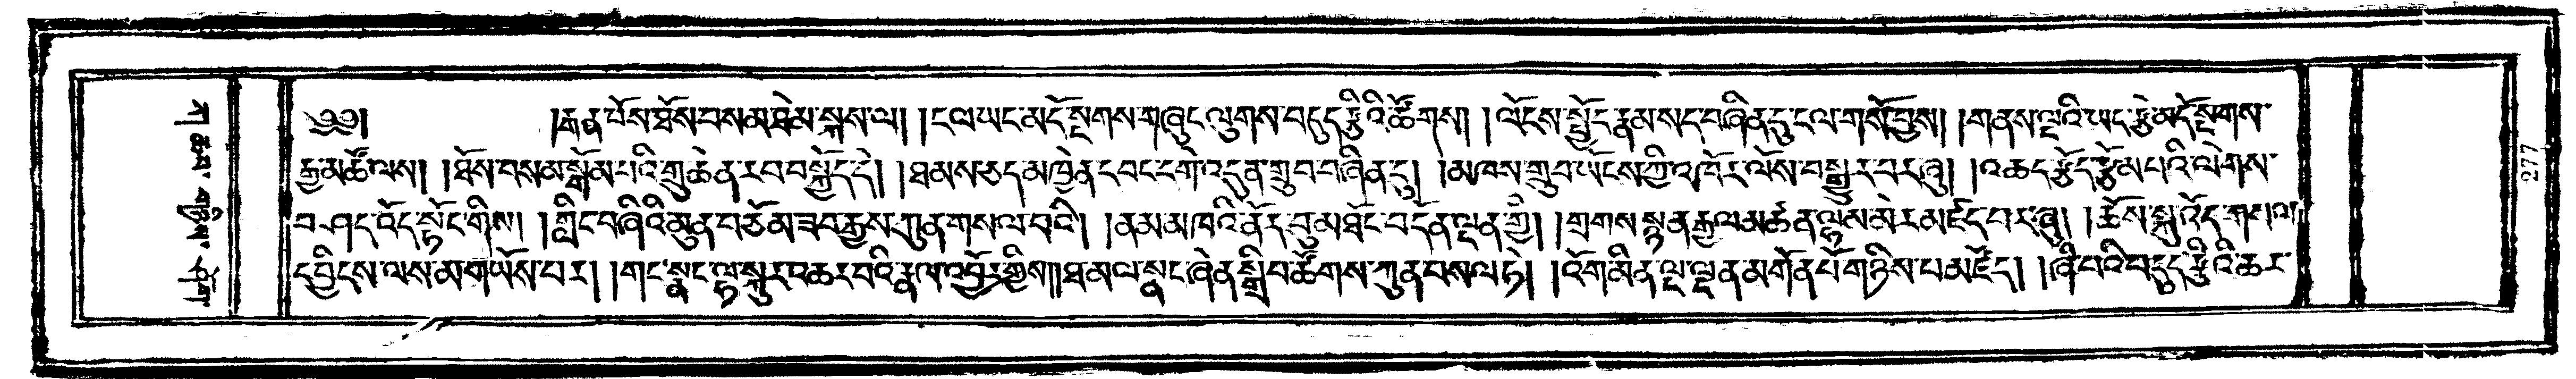༄༅། །རྒན་པོས་ཐོས་བསམ་ཐེམ་སྐས་ལ། །ངལ་ཡང་མདོ་སྔགས་གཞུང་ལུགས་བདུད་རྩིའི་ཚོགས། །ལོངས་སྤྱོད་རྣམས་བཞིན་དུ་ངལ་གསོ་བྱས། །གནས་ལྔའི་ཡང་རྩེ་མདོ་སྔགས་
རྒྱལ་མཚོ་ལས། །ཐོས་བསམ་སྒོམ་པའི་གྲུ་ཆེན་རབ་བསྐྱོད་དེ། །ཐམས་ཅད་མཁྱེན་དབང་དགེ་འདུན་གྲུབ་བཞིན་དུ། །མཁས་གྲུབ་ཡོངས་ཀྱི་འཁོར་ལོས་བསྒྱུར་པར་ཞུ། །འཆད་རྩོད་རྩོམ་པའི་ལེགས་
བཤད་འོད་སྟོང་གིས། །གླིང་བཞིའི་མུན་བཅོམ་ཟབ་རྒྱས་ཀུན་གསལ་བའི། །ནམ་མཁའི་ནོར་བུ་མཐོང་བདོན་ལྡན་གྱི། །གྲགས་སྟན་རྒྱལ་མཚན་ལྷས་མེར་མཛད་བར་ཞུ། །ཆོས་སྐུ་འོད་གསལ་
དབྱིངས་ལས་མ་གཡོས་བར། །གང་སྣང་ལྷ་སྐུར་འཆར་བའི་རྣལ་འབྱོར་གྱིས། །ཐ་མལ་སཱང་ཞེན་སྒྲིབ་ཚོགས་ཀུན་བསལ་ཏེ། །འོག་མིན་ལྔ་ལྡན་མགོན་པོ་གཉིས་པ་མཛོད། །ཞི་བའི་བདུད་རྩིའི་འཆར་